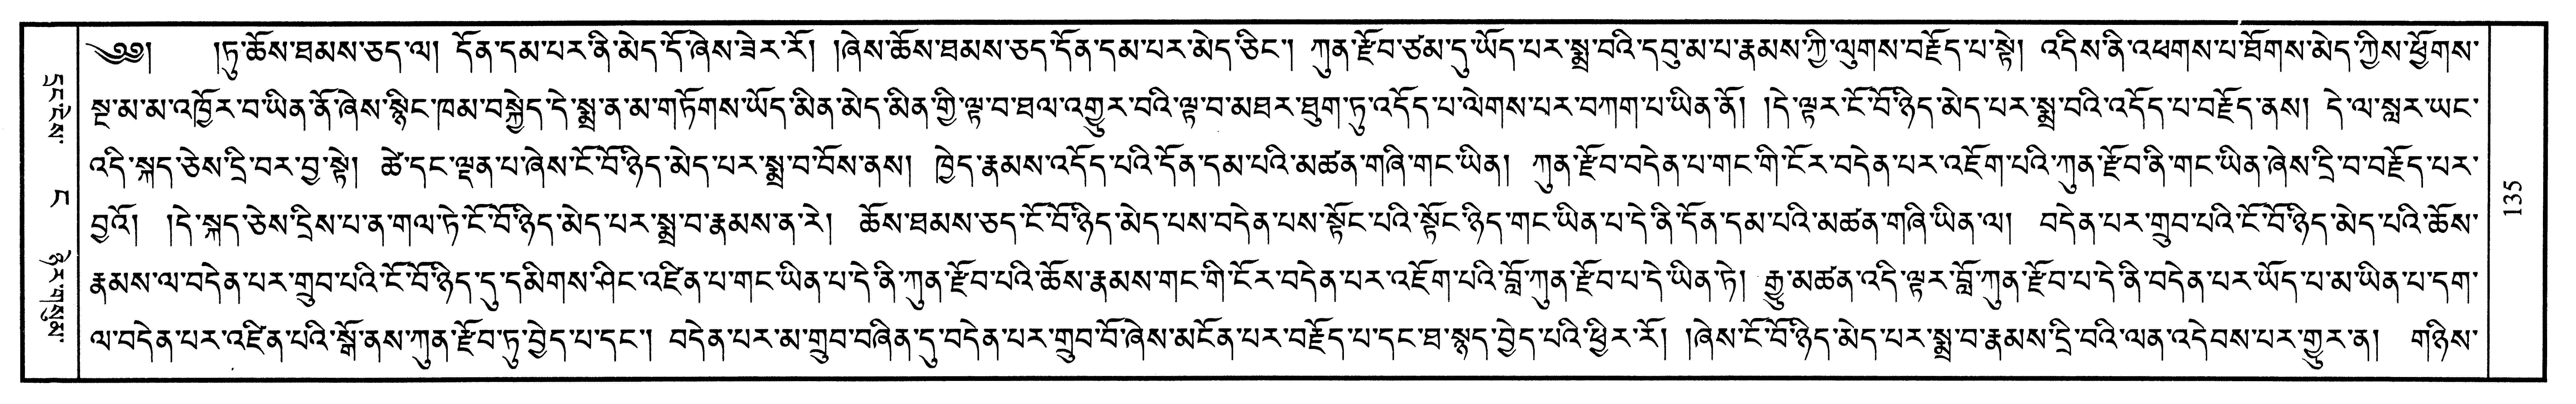༄༅། །ཏུ་ཆོས་ཐམས་ཅད་ལ། དོན་དམ་པར་ནི་མེད་དོ་ཞེས་ཟེར་རོ། །ཞེས་ཆོས་ཐམས་ཅད་དོན་དམ་པར་མེད་ཅིང་། ཀུན་རྫོབ་ཙམ་དུ་ཡོད་པར་སྨྲ་བའི་དབུ་མ་པ་རྣམས་ཀྱི་ལུགས་བརྗོད་པ་སྟེ། འདིས་ནི་འཕགས་པ་ཐོགས་མེད་ཀྱིས་ཕྱོགས་
སྔ་མ་མ་འཁྱོར་བ་ཡིན་ནོ་ཞེས་སྙིང་ཁམ་བསྐྱེད་དེ་སྨྲ་ན་མ་གཏོགས་ཡོད་མིན་མེད་མིན་གྱི་ལྟ་བ་ཐལ་འགྱུར་བའི་ལྟ་བ་མཐར་ཐུག་ཏུ་འདོད་པ་ལེགས་པར་བཀག་པ་ཡིན་ནོ། །དེ་ལྟར་ངོ་བོ་ཉིད་མེད་པར་སྨྲ་བའི་འདོད་པ་བརྗོད་ནས། དེ་ལ་སླར་ཡང་
འདི་སྐད་ཅེས་དྲི་བར་བྱ་སྟེ། ཚེ་དང་ལྡན་པ་ཞེས་ངོ་བོ་ཉིད་མེད་པར་སྨྲ་བ་བོས་ནས། ཁྱེད་རྣམས་འདོད་པའི་དོན་དམ་པའི་མཚན་གཞི་གང་ཡིན། ཀུན་རྫོབ་བདེན་པ་གང་གི་ངོར་བདེན་པར་འཇོག་པའི་ཀུན་རྫོབ་ནི་གང་ཡིན་ཞེས་དྲི་བ་བརྗོད་པར་
བྱའོ། །དེ་སྐད་ཅེས་དྲིས་པ་ན་གལ་ཏེ་ངོ་བོ་ཉིད་མེད་པར་སྨྲ་བ་རྣམས་ན་རེ། ཆོས་ཐམས་ཅད་ངོ་བོ་ཉིད་མེད་པས་བདེན་པས་སྟོང་པའི་སྟོང་ཉིད་གང་ཡིན་པ་དེ་ནི་དོན་དམ་པའི་མཚན་གཞི་ཡིན་ལ། བདེན་པར་གྲུབ་པའི་ངོ་བོ་ཉིད་མེད་པའི་ཆོས་
རྣམས་ལ་བདེན་པར་གྲུབ་པའི་ངོ་བོ་ཉིད་དུ་དམིགས་ཤིང་འཛིན་པ་གང་ཡིན་པ་དེ་ནི་ཀུན་རྫོབ་པའི་ཆོས་རྣམས་གང་གི་ངོར་བདེན་པར་འཇོག་པའི་བློ་ཀུན་རྫོབ་པ་དེ་ཡིན་ཏེ། རྒྱུ་མཚན་འདི་ལྟར་བློ་ཀུན་རྫོབ་པ་དེ་ནི་བདེན་པར་ཡོད་པ་མ་ཡིན་པ་དག་
ལ་བདེན་པར་འཛིན་པའི་སྒོ་ནས་ཀུན་རྫོབ་ཏུ་བྱེད་པ་དང་། བདེན་པར་མ་གྲུབ་བཞིན་དུ་བདེན་པར་གྲུབ་བོ་ཞེས་མངོན་པར་བརྗོད་པ་དང་ཐ་སྙད་བྱེད་པའི་ཕྱིར་རོ། །ཞེས་ངོ་བོ་ཉིད་མེད་པར་སྨྲ་བ་རྣམས་དྲི་བའི་ལན་འདེབས་པར་གྱུར་ན། གཉིས་